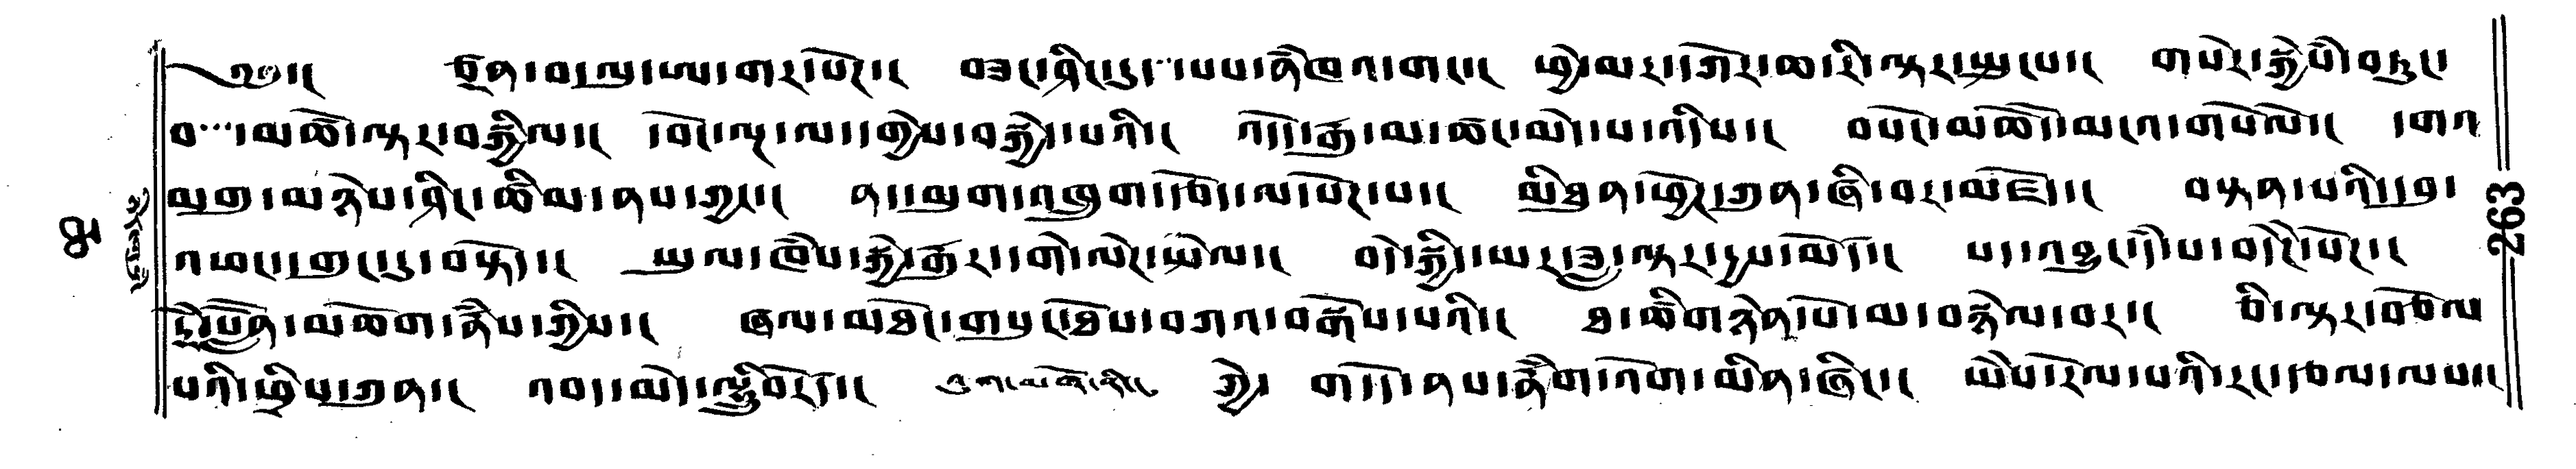།ཙནྡན་བ་ལུ་ཨ་གར་སོགས། །བཟང་ཤིང་དུད་པས་ནམ་མཁའ་གང་། །ཕྱེ་མར་དཀོར་ཆ་རི་ལྟར་སྤུངས། །གསེར་སྐྱེམས་བཏུང་
བ་མཚོ་ལྟར་བསྐྱིལ། །དབང་པོ་ལྔ་ལ་དགྱེས་བསྐྱེད་པའི། །འདོད་རྒུ་མ་ཚང་མེད་པ་འདིས། །བསང་ངོ་མཆོད་དོ་མངའ་གསོལ་ལོ། །དགའ་
མགུ་མཉེས་ཤིང་ཚིམ་ནས་ཀྱང་། །ནད་མུག་འཁྲུགས་རྩོད་ལ་སོགས་པ། །མི་མཐུན་ཕྱོགས་ཀུན་ཞི་བར་མཛོད། །བསྟན་པའི་དབུ་
འཕང་དགུང་དུ་བསྟོད། །ཡུལ་ཁམས་སྐྱེ་རྒུར་དགེ་ལེགས་སྤེལ། །བདེ་སྐྱིད་ཡར་ཟླ་ལྟར་རྒྱས་མཛོད། །པད་འབྱུང་དམ་པ་བདེ་གཤེགས་སོགས། །
རྡོ་རྗེ་སློབ་དཔོན་མཆོག་རྣམས་ཀྱིས། །ཞལ་མཐོང་གསུང་ཐོས་བཀའ་བསྒོས་པའི། །ཐ་ཚིག་གཉེན་པོ་མ་བསྙེལ་བར། །ཅི་ལྟར་བཅོལ་
པའི་ཕྲིན་ལས་ཀུན། །འབད་མེད་ལྷུན་གྱིས་གྲུབ་པར་མཛོད།འུག་མགོ་ནི། ཀྱཻ། གདོད་ནས་རྣམ་དག་འོག་མིན་ཞིང་། །ཡེ་ཤེས་རོལ་པའི་རང་རྩལ་ལས།